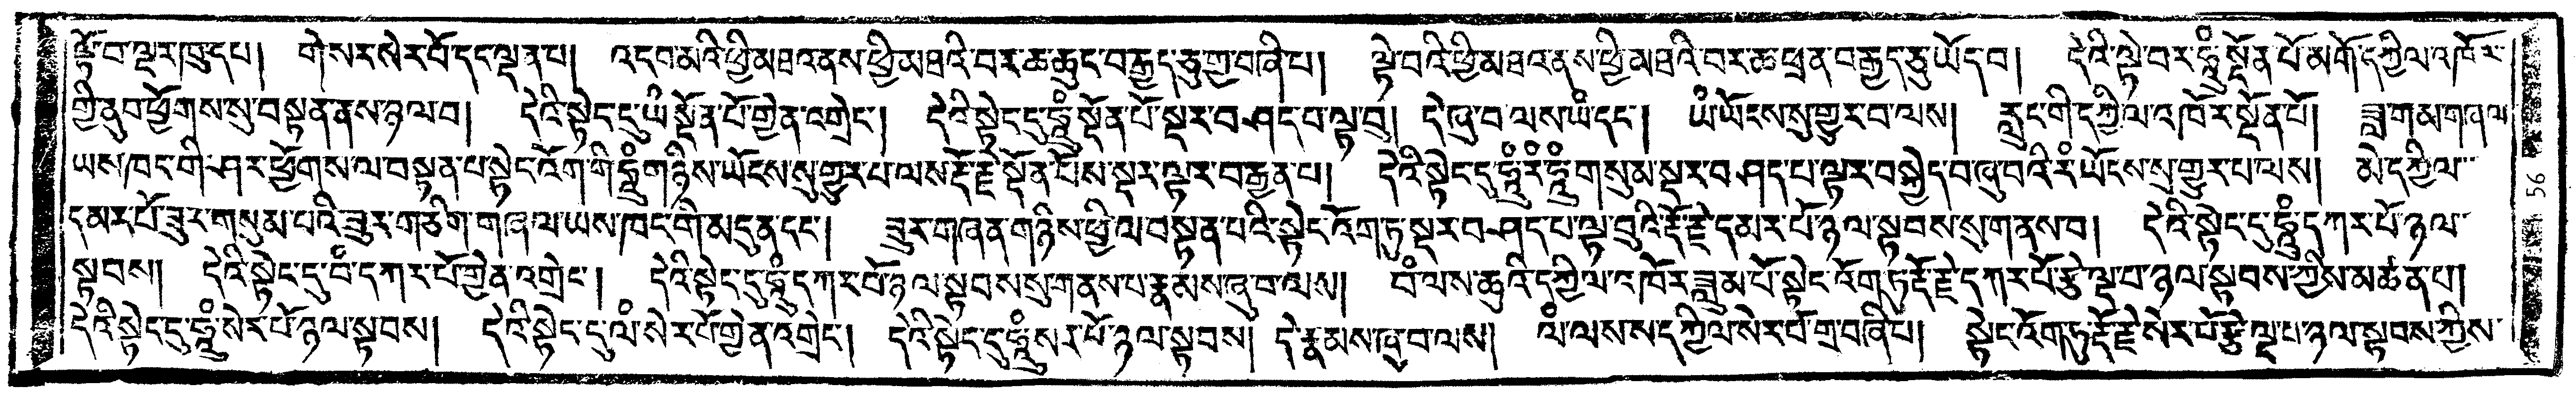ལྟོ་བ་ལྔར་ཁུད་པ། གེ་སར་སེར་པོ་དང་ལྡན་པ། འདབ་མའི་ཕྱི་མཐའ་ནས་ཕྱི་མཐའི་བར་ཆ་ཆུང་བརྒྱད་ཅུ་གྱ་བཞི་པ། ལྟེ་བའི་ཕྱི་མཐའ་ནས་ཕྱི་མཐའི་བར་ཆ་ཕྲན་བརྒྱད་ཅུ་ཡོད་པ། དེའི་ལྟེ་བར་ཧཱུཾ་སྔོན་པོ་མགོན་དཀྱིལ་འཁོར་
གྱི་ནུབ་ཕྱོགས་སུ་བསྟན་ནས་ཉལ་བ། དེའི་སྟེང་དུ་ཡཾ་སྔོན་པོ་གྱེན་འགྲེང་། དེའི་སྟེང་དུ་ཧཱུཾ་སྔོན་པོ་སྔར་བཤད་པ་ལྟ་བུ། དེ་ཞུ་བ་ལས་ཡཾ་དང་། ཡཾ་ཡོངས་སུ་གྱུར་བ་ལས། རླུང་གི་དཀྱིལ་འཁོར་སྔོན་པོ། ཟླ་གམ་གཞལ་
ཡས་ཁང་གི་ཤར་ཕྱོགས་ལ་བསྟན་པ་སྟེང་འོག་གི་ཧཱུཾ་གཉིས་ཡོངས་སུ་གྱུར་པ་ལས་རྡོ་རྗེ་སྔོན་པོས་སྔར་ལྟར་བརྒྱན་པ། དེའི་སྟེང་དུ་ཧཱུཾ་རཾ་ཧཱུཾ་གསུམ་སྔར་བཤད་པ་ལྟར་བསྐྱེད་བཞུ་བའི་རཾ་ཡོངས་སུ་གྱུར་པ་ལས། མེ་དཀྱིལ་
དམར་པོ་ཟུར་གསུམ་པའི་ཟུར་གཅིག་གཞལ་ཡས་ཁང་གི་མདུན་དང་། ཟུར་གཞན་གཉིས་ཕྱི་ལ་བསྟན་པའི་སྟེང་འོག་ཏུ་སྔར་བཤད་པ་ལྟ་བུའི་རྡོ་རྗེ་དམར་པོ་ཉལ་སྟབས་སུ་གནས་པ། དེའི་སྟེང་དུ་ཧཱུཾ་དཀར་པོ་ཉལ་
སྟབས། དེའི་སྟེང་དུ་བཾ་དཀར་པོ་གྱེན་འགྲེང་། དེའི་སྟེང་དུ་ཧཱུཾ་དཀར་པོ་ཉལ་སྟབས་སུ་གནས་པ་རྣམས་ཞུ་བ་ལས། བཾ་ལས་ཆུའི་དཀྱིལ་འཁོར་ཟླུམ་པོ་སྟེང་འོག་ཏུ་རྡོ་རྗེ་དཀར་པོ་རྩེ་ལྔ་པ་ཉལ་སྟབས་ཀྱིས་མཚན་པ།
དེའི་སྟེང་དུ་ཧཱུཾ་སེར་པོ་ཉལ་སྟབས། དེའི་སྟེང་དུ་ལཾ་སེར་པོ་གྱེན་འགྲེང་། དེའི་སྟེང་དུ་ཧཱུཾ་སེར་པོ་ཉལ་སྟབས། དེ་རྣམས་ཞུ་བ་ལས། ལཾ་ལས་ས་དཀྱིལ་སེར་པོ་གྲ་བཞི་པ། སྟེང་འོག་ཏུ་རྡོ་རྗེ་སེར་པོ་རྩེ་ལྔ་པ་ཉལ་སྟབས་ཀྱིས་